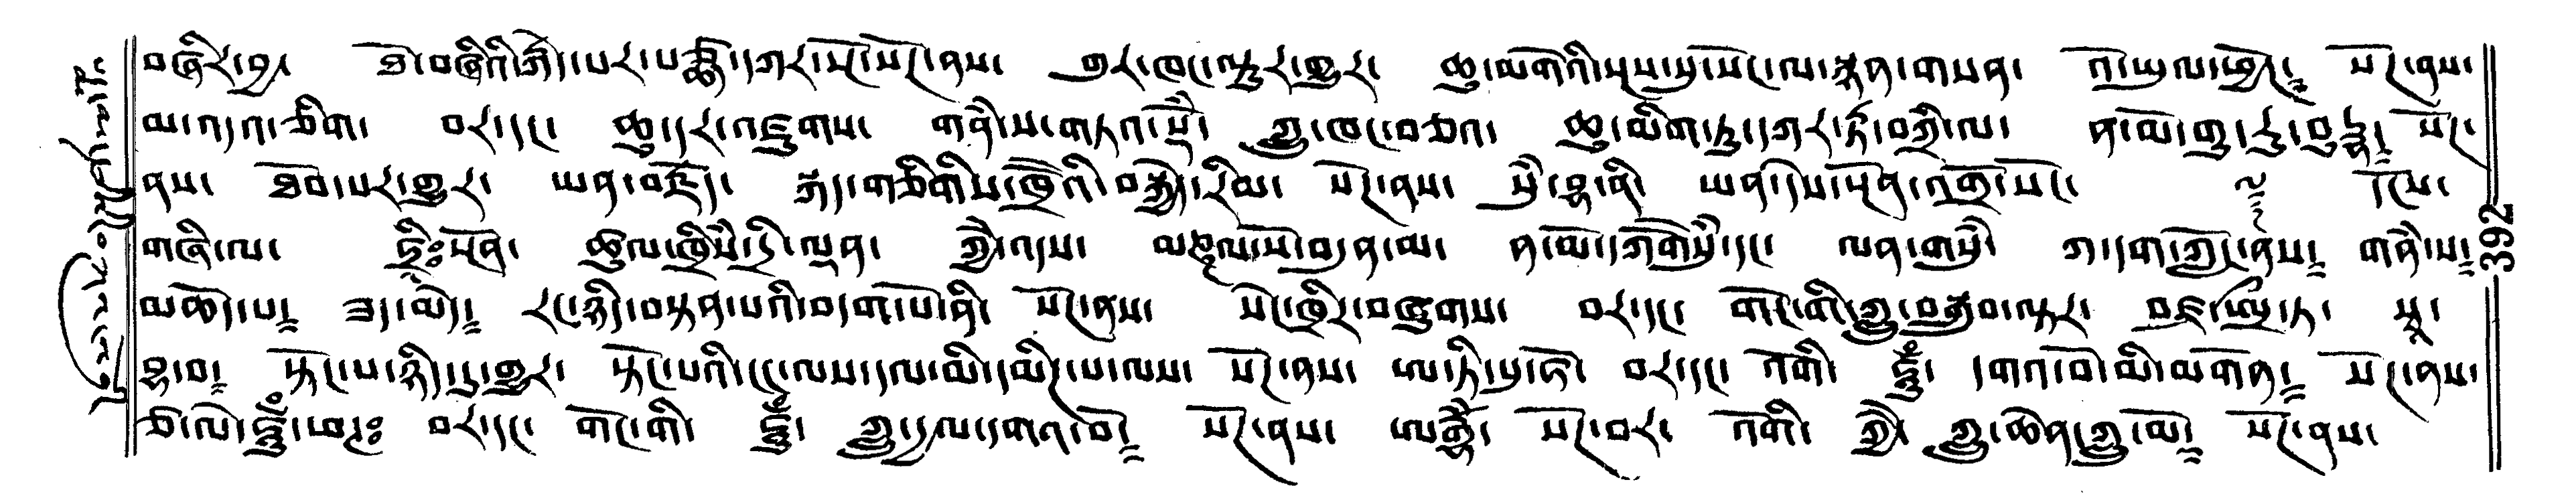བཞི་བྱ། ཐོ་བཞིའི་སྐེད་པར་སཙྪ་དཀར་སྔོ༴ སོགས་ནས། གུར་ཁང་ལྟ་བུར་གྱུར། ཆུ་མགོའི་སྔས་སུ་སོང་ལ་སྙན་གསན། འོ། ཡུལ་ཕྱོགས༴ སོགས་ནས། 
མ་འདའ་ཞིག བར་དང་། ཆུ་དར་འཛུགས། གནམ་ས་གཏའ་སྡོམ། ཀླུ་ཁང་བཅའ། ཆུ་མིག་ཏུ་དཀར་རྟ་བཀྲམ་ལ། ན་མོ་གུ་རུ་བུདྡྷ༴ སོགས་
ནས། ཐོབ་པར་གྱུར། ཡན་བརྗོད། སྐད་གཅིག་གིས་ཁྲོ་བོའི་བསྐྱེད་རིམ༴ སོགས་ནས། སུམ་བྷ་ནི༴ ཡན་དེས་སྔོན་འགྲོ་སོང་། ༈ དངོས་
གཞི་ལ། ཧྲཱིཿསྔོན༴ ཚུལ་ཁྲིམས་དྲི་ལྡན། ཀྱཻ་འདས། མཎྜལ་སོ་བདུན་མ། ན་མོ༔དཀོན་མཆོག་གསུམ་དང༴ ལན་གསུམ། ཀ་དག་ཀློང་ནས༴ གནམ་ས༴ 
མཆོད་པ༴ ཟད་མེད༴ རང་ཉིད་བསྟན་པའི་བདག་པོ་ནི། སོགས་ནས། སེང་ཁྲིར་བཞུགས། བར་དང་། གོང་གི་ཀླུ་སྒྲུབ་ལྟར། བཛྲ་ཨ་མྲི་ཏ༴ སྭ་
བྷ་བ༴ སྟོང་པ་ཉིད་དུ་གྱུར། སྟོང་པའི་ངང་ལས་དལ་མི་དམིགས་པ་ལས༴ སོགས་ནས། ཨ་ཏི་པུ་ཧོ།བར་དང་། འོག་གི ཧཱུྃ། དགའ་བོ་མི་མགོན༴ སོགས་ནས། 
ཙ་ལེ་ཧཱུྃ་ཕཊཿ བར་དང་། གོང་ག ི ཧཱུྃ། ཀླུ་རྒྱལ་དགའ་བོ༴ སོགས་ནས། ཨརྒྷཾ༴ སོགས་བར། འོག་གི ཀྱཻ། ཀླུ་ཆེན་ཀླུ་མོ༴ སོགས་ནས།